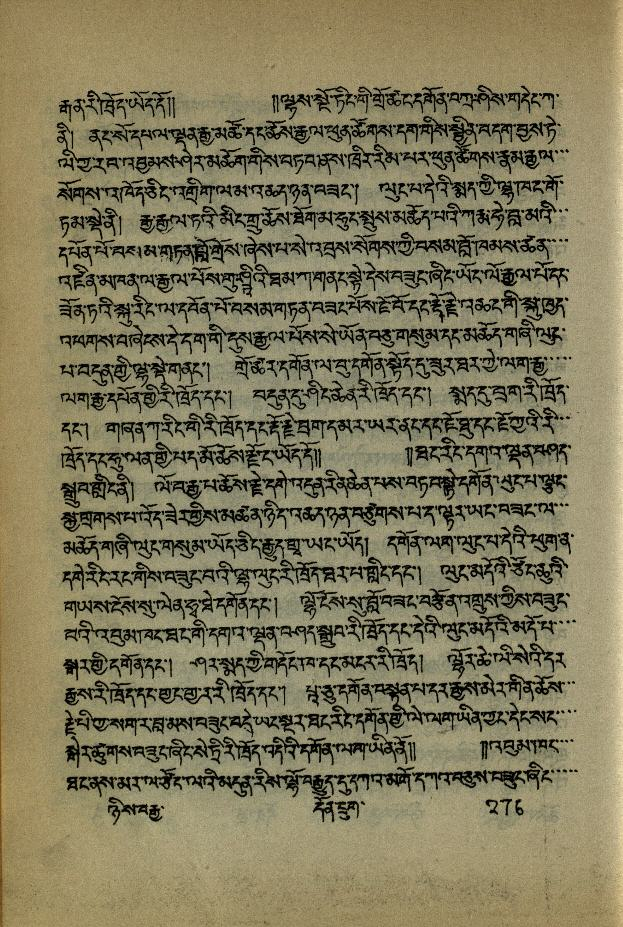རྒན་རི་ཁྲོད་ཡོད་དོ།། །།ལྷས་སྔོ་ཏིང་གི་གྲོ་ཚང་དགོན་བཀྲ་ཤིས་གདེང་ཀ་
ནི། ནང་སོ་དཔལ་ལྡན་རྒྱ་མཚོ་དང་ཆོས་རྒྱལ་ཕུན་ཚོགས་དག་གིས་སྦྱིན་བདག་བྱས་ཏེ་
ལི་ཀྱ་རབ་འབྱམས་ཤེར་མཆོག་གིས་བཏབ་ནས་ཁྲིར་རིམ་པར་ཕུན་ཚོགས་རྣམ་རྒྱལ་
སོགས་འཁོད་ཅིང་འགྲིག་ལམ་འཆད་ཉན་བཟང་། ལུང་པ་དེའི་སྨད་ཀྱི་ལྷ་ཁང་གོ་
ཏམ་སྡེ་ནི། རྒྱ་རྒྱལ་ཏའི་མིང་གྲུ་ཆོས་ཐོག་མ་ལྷུང་སྤུས་མཆོད་པའི་ཀརྨ་ཧེ་བླ་མའི་
དཔོན་པོ་བསམ་གཏན་བློ་གྲོས་ཞེས་པ་སེ་འབྲས་སོགས་ཀྱི་བསམ་བློ་ཁམས་ཚན་
འཛིན་མཁན་ལ་རྒྱལ་པོས་གུ་ཤྲཱིའི་ཐམ་ཀ་གནང་སྟེ་དེས་བཟུང་ཞིང་ཡོང་ལོ་རྒྱལ་པོ་དང་
ཟོན་ཏའི་སྐུ་རིང་ལ་དབོན་པོ་བསམ་གཏན་བཟང་པོས་ཇོ་བོ་དང་རྡོ་རྗེ་འཆང་གི་སྐུ་ཁྱད་
འཕགས་བ་ཞེངས་དེ་དག་གི་དུས་རྒྱལ་པོས་སེ་ཡོན་བཅུ་གསུམ་དང་མཆོད་གཞི་ལུང་
པ་བདུན་གྱི་ལྷ་སྡེ་གནང་། གྲོ་ཚར་དགོན་ལ་བུ་དགོན་སྟོད་དུ་ཟུར་ཐར་ཀྱེ་ལག་རྒྱ་
ལག་རྒྱ་དཔོན་གྱི་རི་ཁྲོད་དང་། བདུན་དུ་ཤིང་ཆེན་རི་ཁྲོད་དང་། སྨད་དུ་བྲག་རི་ཁྲོད་
དང་། གཞན་ཀ་རིང་གི་རི་ཁྲོད་དང་རྡོ་རྗེ་བྲག་དམར་ཡར་ནང་དང་ཇོ་ཐུ་དང་ཇོ་ཀྱའི་རི་
ཁྲོད་དང་ཧུ་ལན་གྱི་པད་མོ་ཆོས་རྫོང་ཡོད་དོ།། །།ཐང་རིང་དགའ་ལྡན་བཤད་
སྒྲུབ་གླིང་ནི། ལོ་བ་རྒྱ་པ་ཆོས་རྗེ་དགེ་འདུན་རིན་ཆེན་པས་བཏབ་སྟེ་དགོན་ལུང་པ་ལྕང་
སྐྱ་གྲགས་པ་འོད་ཟེར་གྱིས་མཚན་ཉིད་འཆད་ཉན་བཙུགས་པ་ད་ལྟར་ཡང་བཟང་ལ་
མཆོད་གཞི་ལུང་གསུམ་ཡོད་ཅིད་རྒྱུད་གྲྭ་ཡང་ཡོད། དགོན་ལག་ལུང་པ་དེའི་ཕུག་ན་
དགེ་རིང་རང་གིས་བཟུང་བའི་ལྷ་ལུང་རི་ཁྲོད་ཐར་པ་གླིང་དང་། ལུང་མདོའི་ཙོང་ཆུའི་
གཡས་ངོས་སུ་ལེན་ཧྭ་ཐེ་དགོན་དང་། ལྷོ་ངོས་སུ་བློ་བཟང་བརྩོན་འགྲུས་ཀྱིས་བཟུང་
བའི་འབུམ་ཁང་ཐང་གི་དགའ་ལྡན་བཤད་སྒྲུབ་རི་ཁྲོད་དང་དེའི་ལུང་མདོའི་མདོ་པ་
སྒར་གྱི་དགོན་དང་། ཤར་སྨད་ཀྱི་གདོང་ཁ་དང་མངར་རི་ཁྲོད། ལྷོར་ཆེ་ལི་སེའི་དར་
རྒྱས་རི་ཁྲོད་དང་གྱང་གྱ་ར་རི་ཁྲོད་དང་། པཱ་ཅུ་དགོན་བསྟན་པ་དར་རྒྱས་མེར་གིན་ཆོས་
རྗེ་པི་ཀྱ་སག་ར་བླ་མས་བཟུང་བདེ་ཡང་སྔར་ཐང་རིང་དགོན་གྱི་ལེ་ལག་ཡིན་ཀྱང་དེང་སང་
སྒེར་ཚུགས་བཟུང་ཞིང་སེ་ཏྲི་རི་ཁྲོད་འདིའི་དགོན་ལག་ཡིན་ནོ།། །།འབུམ་ཁང་
ཐང་ནས་མར་ལ་ཙོང་ལའི་མདུན་རིས་ལྷོ་བརྒྱུད་དུ་དཀའ་མགོ་དཀའ་བཅུས་བཟུང་ཞིང་